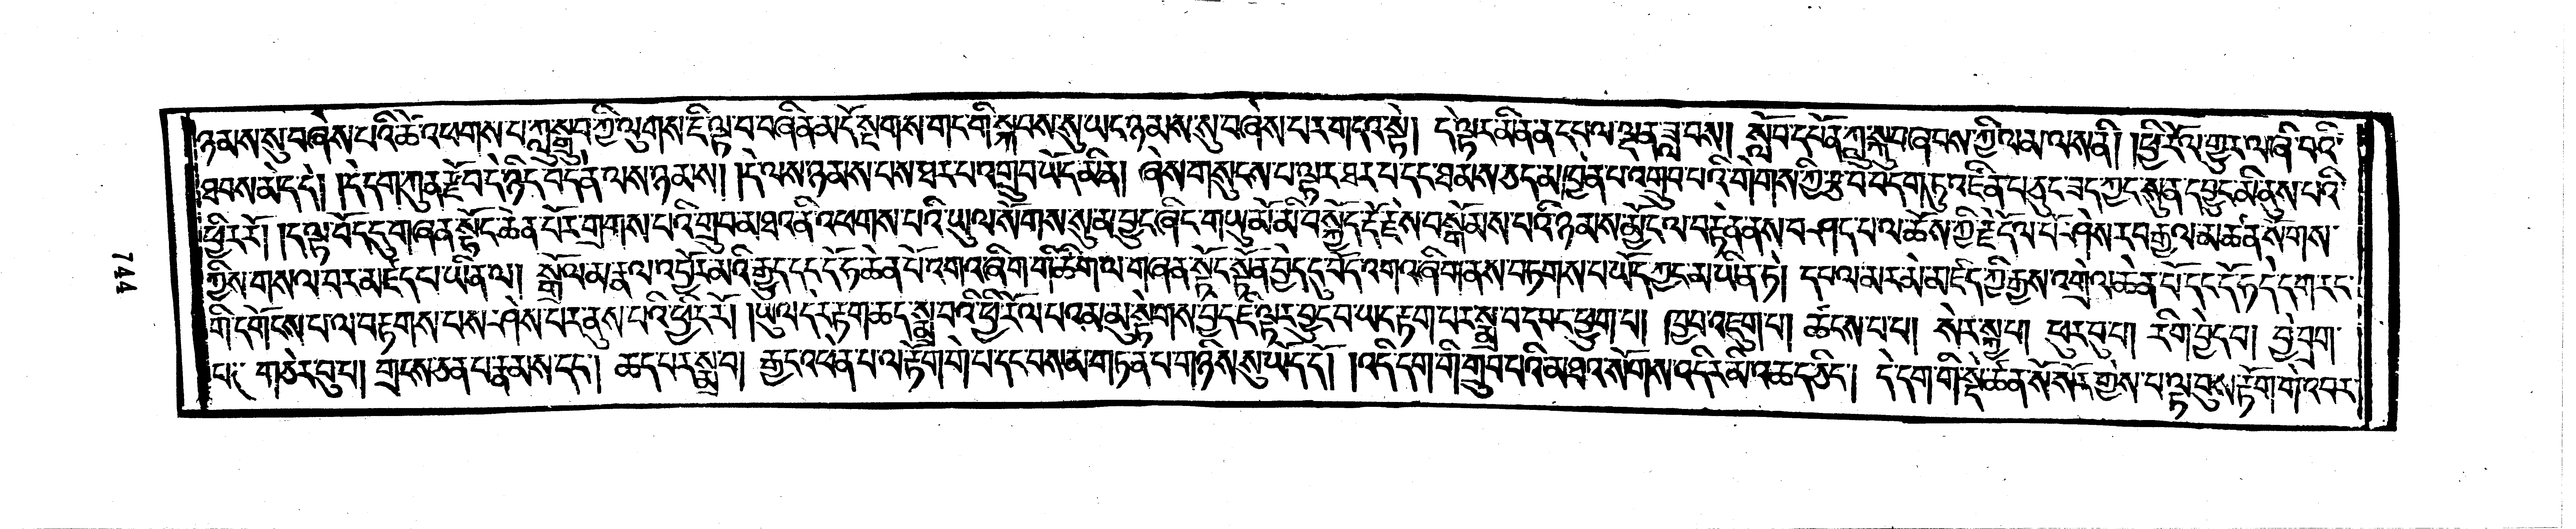ཉམས་སུ་བཞེས་པའི་ཚེ་འཕགས་པ་ཀླུ་སྒྲུབ་ཀྱི་ལུགས་ཇི་ལྟ་བ་བཞིན་མདོ་སྔགས་གང་གི་སྐབས་སུ་ཡང་ཉམས་སུ་བཞེས་པར་གདའ་སྟེ། དེ་ལྟར་མིན་ན་དཔལ་ལྡན་ཟླ་བས། སློབ་དཔོན་ཀླུ་སྐུབ་ཞབས་ཀྱི་ལམ་ལས་ནི། །ཕྱི་རོལ་གྱུར་ལ་ཞི་བའི་
ཐབས་མེད་དེ། །དེ་དག་ཀུན་རྫོབ་དེ་ཉིད་བདེན་ལས་ཉམས། །དེ་ལས་ཉམས་པས་ཐར་པ་འགྲུབ་ཡོད་མིན། ཞེས་གསུངས་པ་ལྟར་ཐར་པ་དང་ཐམས་ཅད་མཁྱེན་པ་འགྲུབ་པའི་གེགས་ཀྱི་རྩ་བ་བདག་ཏུ་འཛིན་པ་ཅུང་ཟད་ཀྱང་སུན་དབྱུང་མི་ནུས་པའི་
ཕྱིར་རོ། །ད་ལྟ་བོད་དུ་གཞན་སྟོང་ཆེན་པོར་གྲགས་པའི་གྲུབ་མཐའ་ནི་འཕགས་པའི་ཡུལ་སོགས་སུམ་བྱུང་ཞིང་གཡུ་མོ་མི་བསྐྱོད་རྡོ་རྗེས་བསྒོམས་པའི་ཉམས་མྱོང་ལ་བརྟེན་ནས་བཤད་པ་ལ་ཆོས་ཀྱི་རྗེ་དོལ་པོ་ཤེས་རབ་རྒྱལ་མཚན་སོགས་
ཀྱིས་གསལ་བར་མཛད་པ་ཡིན་ལ། སྒྲོལ་མ་རྣལ་འབྱོར་མའི་རྒྱུད་དང་དོ་ཧ་ཆེན་པོ་འགའ་ཞིག་གི་ཚིག་ལ་གཞན་སྟོང་སྟོན་བྱེད་དུ་བོད་འགའ་ཞིག་ནས་བཏགས་པ་ཡོད་ཀྱང་མ་ཡིན་ཏེ། དཔལ་མར་མེ་མཛད་ཀྱི་རྒྱས་འགྲེལ་ཆེན་པོ་དང་དོ་ཧ་དེ་དག་རང་
གི་དགོངས་པ་ལ་བརྟགས་པས་ཤེས་པར་ནུས་པའི་ཕྱིར་རོ། །ཡུལ་དེར་རྟག་ཆད་སྨྲ་བའི་ཕྱི་རོལ་པའམ་མུ་སྟེགས་བྱད་ཇི་ལྟར་བྱུང་བ་ཡང་རྟག་པར་སྨྲ་བ་དབང་ཕྱུག་པ། ཁྱབ་འཇུག་པ། ཚངས་པ་པ། སེར་སྐྱ་པ། ཕུར་བུ་པ། རིག་བྱེད་པ། བྱེ་བྲག་
པ༑ གཅེར་བུ་པ། གྲངས་ཅན་པ་རྣམས་དང་། ཆད་པར་སྨྲ་བ། རྒྱང་འཕེན་པ་ལ་རྟོག་གེ་པ་དང་བསམ་གཏན་པ་གཉིས་སུ་ཡོད་དོ། །འདི་དག་གི་གྲུབ་པའི་མཐའ་སོགས་འདིར་མི་འཆད་ཅིང་། དེ་དག་གི་སྡེ་ཚན་སོ་སོར་གྱེས་པ་ལྟ་བུས་རྟོག་གེ་འབར་